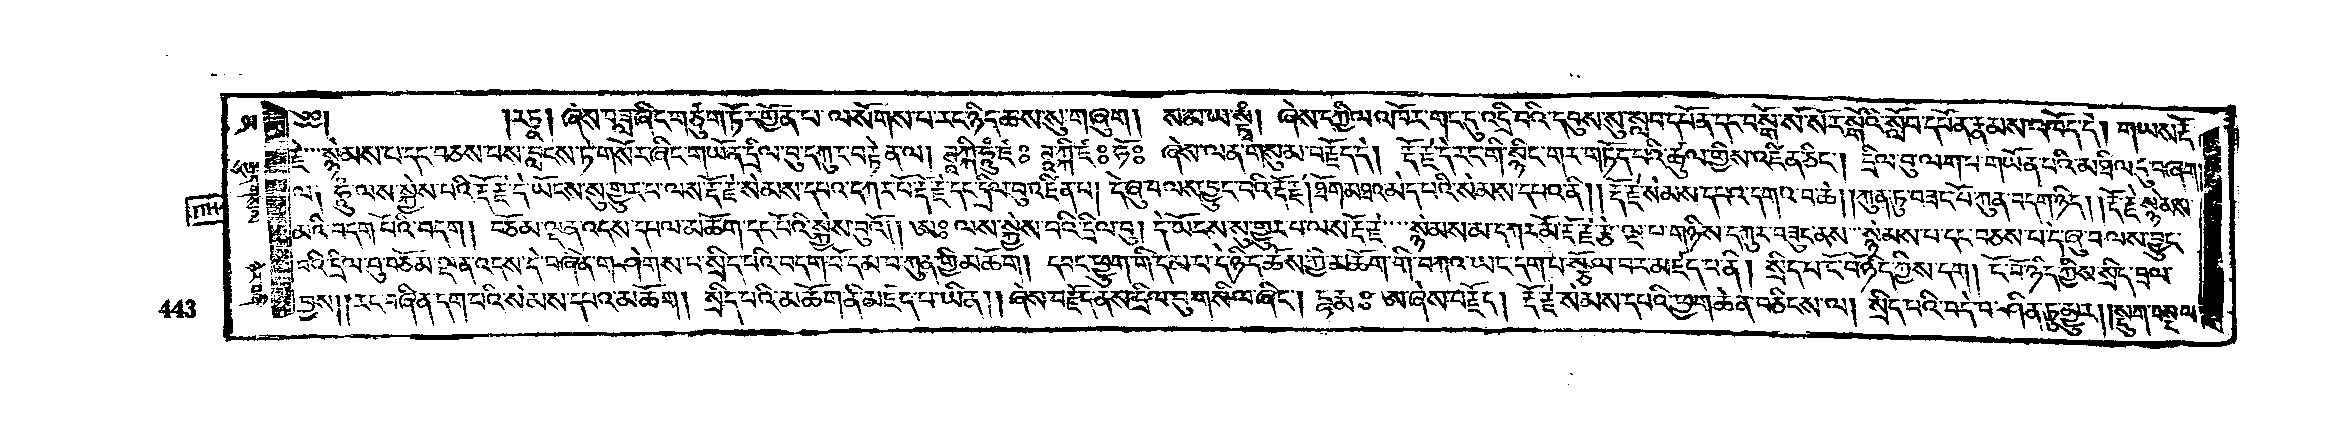༄༅། །རཏྣ། ཞེས་བཟླ་ཞིང་གཙུག་ཏོར་གྱོན་པ་ལ་སོགས་པ་རང་ཉིད་ཆས་སུ་གཞུག །ས་མ་ཡ་སྟྭཾ། ཞེས་དཀྱིལ་འཁོར་གང་དུ་འདྲི་བའི་དབུས་སུ་སློབ་དཔོན་དང་བསྒོ་སོ་སོར་སྒོའི་སློབ་དཔོན་རྣམས་འཁོད་དེ། གཡས་རྡོ་
རྗེ་སྙེམས་པ་དང་བཅས་པས་བླངས་ཏེ་གསོར་ཞིང་གཡོན་དྲིལ་བུ་དཀུར་བརྟེན་ལ། ཊཱཀྐི་ཧཱུཾ་ཛཿ ཊཱཀྐི་ཛཿ ཧོཿ ཞེས་ལན་གསུམ་བརྗོད་དེ། རྡོ་རྗེ་དེ་རང་གི་སྙིང་གར་གཏོད་པའི་ཚུལ་གྱིས་འཛིན་ཅིང་། དྲིལ་བུ་ལག་པ་གཡོན་པའི་མཐིལ་དུ་བཞག་
ལ། ཧཱུཾ་ལས་སྐྱེས་པའི་རྡོ་རྗེ་དེ་ཡོངས་སུ་གྱུར་པ་ལས་རྡོ་རྗེ་སེམས་དཔའ་དཀར་པོ་རྡོ་རྗེ་དང་དྲིལ་བུ་འཛིན་པ། དེ་ཞུ་བ་ལས་བྱུང་བའི་རྡོ་རྗེ། ཐོག་མཐའ་མེད་པའི་སེམས་དཔའ་ནི། །རྡོ་རྗེ་སེམས་དཔའ་དགའ་བ་ཆེ། །ཀུན་ཏུ་བཟང་པོ་ཀུན་བདག་ཉིད། །རྡོ་རྗེ་སྙེམས་
མའི་བདག་པོའི་བདག །བཅོམ་ལྡན་འདས་དཔལ་མཆོག་དང་པོའི་སྐྱེས་བུའོ། །ཨཿ ལས་སྐྱེས་པའི་དྲིལ་བུ། དེ་ཡོངས་སུ་གྱུར་པ་ལས་རྡོ་རྗེ་སྙེམས་མ་དཀར་མོ་རྡོ་རྗེ་རྩེ་ལྔ་པ་གཉིས་དཀུར་བཟུང་ནས་སྙེམས་པ་དང་བཅས་པ་དེ་ཞུ་བ་ལས་བྱུང་
བའི་དྲིལ་བུ་བཅོམ་ལྡན་འདས་དེ་བཞིན་གཤེགས་པ་སྲིད་པའི་བདག་པོ་དམ་པ་ཀུན་གྱི་མཆོག །དབང་ཕྱུག་གི་དམ་པ་དེ་ཉིད་ཆོས་ཀྱི་མཆོག་གི་བཀའ་ཡང་དག་པ་སྩོལ་བར་མཛད་པ་ནི། སྲིད་པ་ངོ་བོ་ཉིད་ཀྱིས་དག །ངོ་བོ་ཉིད་ཀྱིས་སྲིད་བྲལ་
བྱས། །རང་བཞིན་དག་པའི་སེམས་དཔའ་མཆོག །སྲིད་པའི་མཆོག་ནི་མཛད་པ་ཡིན། །ཞེས་བརྗོད་ནས་དྲིལ་བུ་གསིལ་ཞིང་། དྷརྨཱཿ ཨ་ཞེས་བརྗོད། རྡོ་རྗེ་སེམས་དཔའི་ཕྱག་ཆེན་བཅིངས་ལ། སྲིད་པའི་བདེ་བ་ཤིན་ཏུ་མྱུར། །སྡུག་བསྔལ་